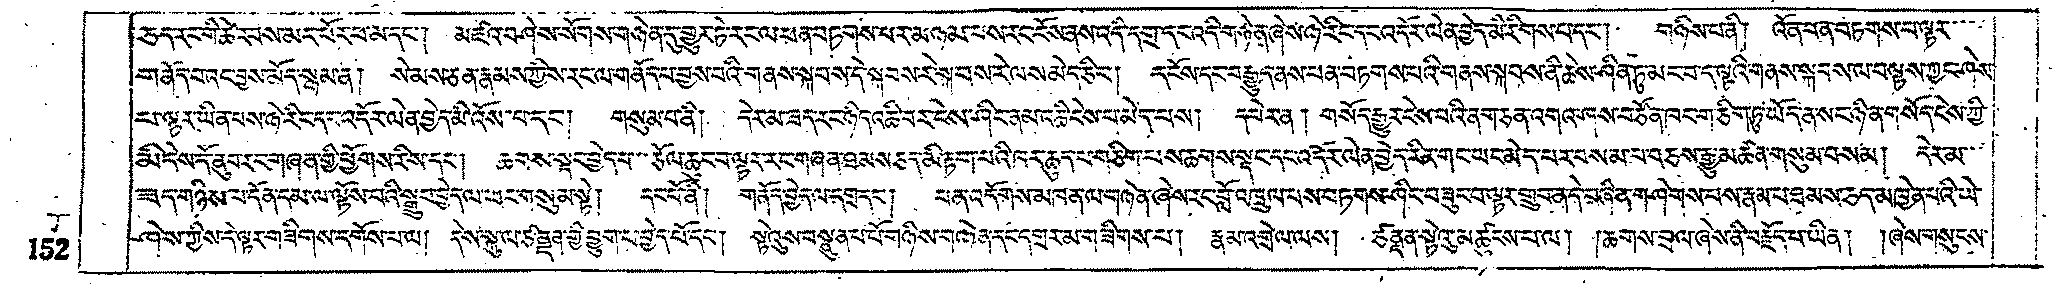ཅད་རང་གི་ཚེ་རབས་མང་པོར་ཕ་མ་དང་། མཛའ་བཤེས་སོགས་གཉེན་དུ་གྱུར་ཏེ་རང་ལ་ཕན་བཏགས་པར་མཉམ་པས་རང་ངོས་ནས་འདི་དགྲ་དང་འདི་གཉེན་ཞེས་ཉེ་རིང་དང་འདོར་ལེན་བྱེད་མི་རིགས་པ་དང་། གཉིས་པ་ནི། འོན་ཕན་བཏགས་པ་ལྟར་་་
གནོད་པའང་བྱས་མོད་སྙམ་ན། སེམས་ཅན་རྣམས་ཀྱིས་རང་ལ་གནོད་པ་བྱས་པའི་གནས་སྐབས་དེ་སྐབས་རེ་སྐབས་རེ་ལས་མེད་ཅིང་། དངོས་དང་བརྒྱུད་ནས་ཕན་བཏགས་པའི་གནས་སྐབས་ནི་ཆེས་ཤིན་ཏུ་མང་བ་ད་ལྟའི་གནས་སྐབས་ལ་བལྟས་ཀྱང་ཤེས་
པ་ལྟར་ཡིན་པས་ཉེ་རིང་དང་འདོར་ལེན་བྱེད་མི་འོས་པ་དང་། གསུམ་པ་ནི། དེར་མ་ཟད་རང་ཉིད་འཆི་བར་ངེས་ཤིང་ནམ་འཆི་ངེས་པ་མེད་པས། དཔེར་ན། གསོ་རྒྱུ་ངེས་པའི་ནག་ཅན་འགའ་ཤས་བཙོན་ཁང་གཅིག་ཏུ་ཡོད་ན་སང་ཉིན་གསོད་ངེས་ཀྱི་
མི་དེས་དོ་ནུབ་རང་གཞན་གྱི་ཕྱོགས་རིས་དང་། ཆགས་སྡང་བྱེད་པ་་་ཅོལ་ཆུང་བ་ལྟར་རང་གཞན་ཐམས་ཅད་མི་རྟག་པའི་ཁར་ཆུད་པ་གཅིག་པས་ཆགས་སྡང་དང་འདོར་ལེན་བྱེད་རིན་གང་ཡང་མེད་པར་བསམ་པ་བཅས་རྒྱུ་མཚན་གསུམ་བསམ། དེར་མ་་་
ཟད་གཉིས་པ་དོན་དམ་ལ་ལྟོས་པའི་སྒྲུབ་བྱེད་ལ་ཡང་གསུམ་སྟེ། དང་པོ་ནི། གནོད་བྱེད་ལ་དགྲ་དང་། ཕན་འདོགས་མཁན་ལ་གཉེན་ཞེས་རང་བློ་འཁྲུལ་པས་བཏགས་ཤིང་བཟུང་བ་ལྟར་གྲུབ་ན་དེ་བཞིན་གཤེགས་པས་རྣམ་པ་ཐམས་ཅད་མཁྱེན་པའི་ཡེ་
ཤེས་ཀྱིས་དེ་ལྟར་གཟིགས་དགོས་པ་ལ། དེས་སྐུ་ལ་ཙྣྡན་གྱི་བྱུག་པ་བྱེད་པོ་དང་། སྟེའུས་བསྣུན་པ་པོ་གཉིས་གཉེན་དང་དགྲར་མ་གཟིགས་པ། རྣམ་འགྲེལ་ལས། ཙནྡན་སྟེའུ་མཚུངས་པ་ལ། །ཆགས་བྲལ་ཞེས་ནི་བརྗོད་པ་ཡིན། །ཞེས་གསུངས་